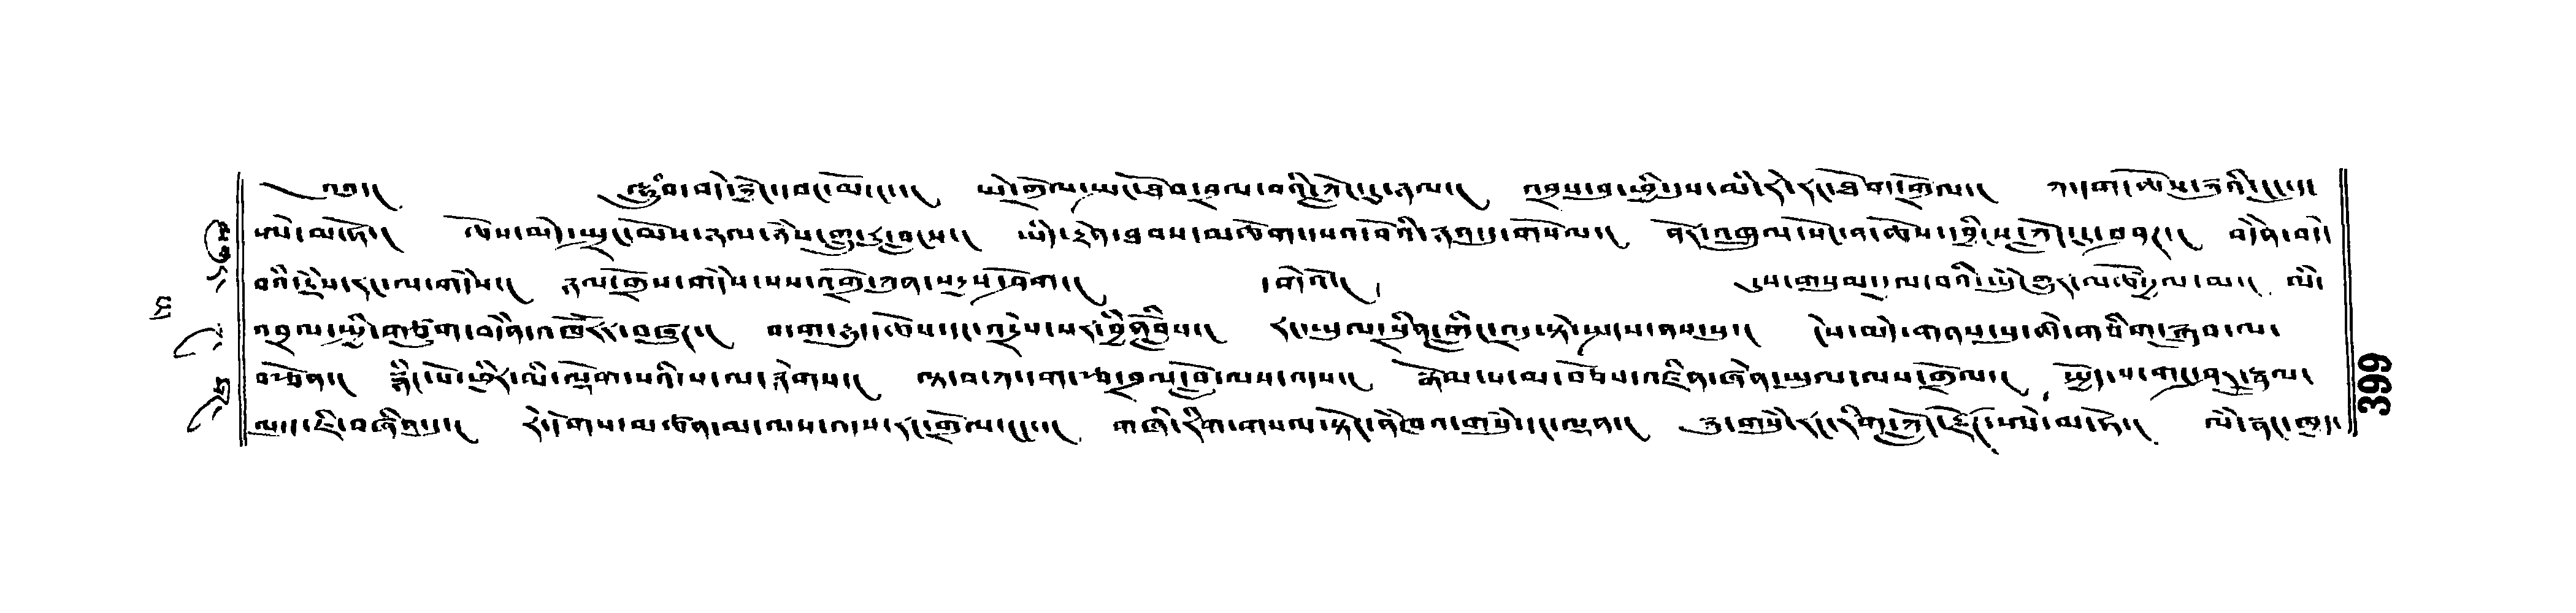ལྷུན་གྲུབ་བདེ་སྐྱོང་དབང་མོ་ང་། །ཡེ་གྲོལ་སྤང་ཐོབ་བྲལ་བའི་ཀློང་དུ་ཉལ། །འབྲས་བུ་ཕྱི་དུས་མི་རེ་རང་ཐོག་གྲོལ། །ཀ་དག་ཆོས་སྐུའི་ངང་དུ་
ཨེ་མ་ཧོ། །ཆོས་མེད་སྤྲང་མོས་ཉལ་ཉམས་གླུ་རུ་བླངས། །ཡིད་རྟེན་ཐབས་མཆོག་དཔའ་བོའི་སྙན་དུ་གསོལ། །ནོར་འཁྲུལ་སོང་ན་ཆོས་དབྱིངས་ཀློང་དུ་བཤགས། །བདེ་ཆེན་བདེ་
བའི་རྡོ་རྗེས་རང་ལ་གདམས། །ཉལ་གྲོས་གདམས་པས་འགྲོ་ཀུན་སངས་རྒྱས་ཤོག དགེའོ།། དུས་གསུམ་རྒྱལ་བའི་ཡུམ་གྱུར་མཚོ་རྒྱལ་མ། །མི་
འབྲལ་སྤྱི་གཙུག་བདེ་ཆེན་འཁོར་ལོར་བཞུགས། །བདག་རྒྱུད་ཆོས་དང་འདྲེས་པར་བྱིན་གྱིས་རློབས། །རང་ཡུལ་སྲིན་གླིང་འདྲ་སྟེ་སྤངས་ནས་སུ། །ངེས་མེད་གནས་སུ་ཚེ་གཅིག་སྒྲུབ་ལ་
བརྩོན། །སྙིང་པོ་ཕྱིར་མི་ལྡོག་པའི་ས་ལ་སྙེགས། །ལྟ་བ་ཀ་དག་རྩ་བྲལ་བློ་ལས་འདས། །སྒོམ་པ་མ་བཅོས་འཛིན་ཞེན་ཡུལ་ལས་གྲོལ། །སྤྱོད་པ་གང་ཤར་སྦྲུལ་
མདུད་ཇི་བཞིན་དུ། །རེ་དོགས་མཚན་མ་ལས་འདས་རང་གྲོལ་ངང་། གཞི་རིག་གསལ་སྟོང་ནམ་མཁའ་གསུམ་དང་ལྡན། །སྐུ་གསུམ་རང་རིག་ཀློང་རྫོགས་ཨེ་མ་ཧོ། །ལམ་སྣང་ཁྱད་